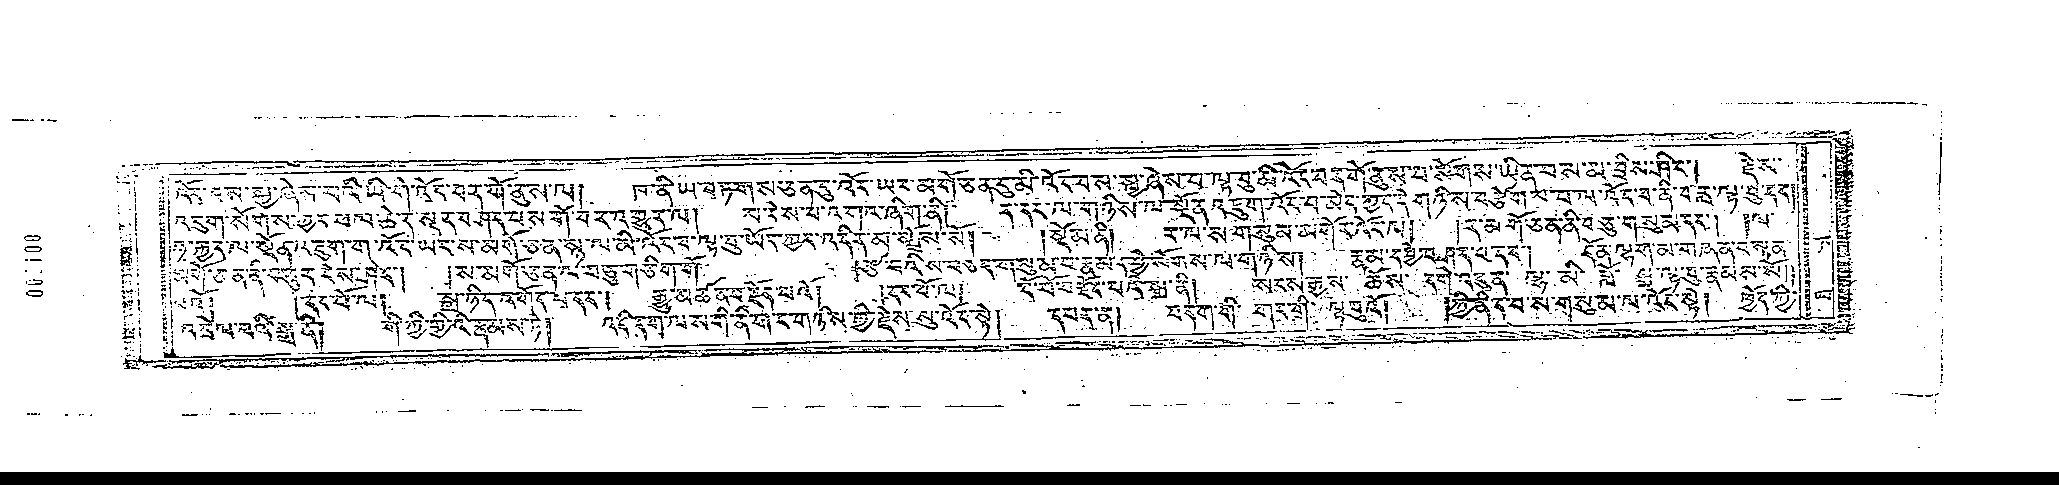འོད་བས་སྐྱ་ཞེས་པའི་ཡི་གེ་འོད་བར་གོ་ནུས་ལ། ཁ་ནི་ཡ་བཏགས་ཅན་དུ་འོང་ཡང་མགོ་ཅན་དུ་མི་འོང་བས་སྑྱ་ཞེས་པ་ལྟ་བུ་མི་འོད་བར་གོ་ནུས་པ་སོགས་ཡིན་པས་མ་བྲིས་ཤིང་། རྗེས་
འཇུག་སོགས་ཀྱང་ཕལ་ཆེར་སྔར་བཤད་བས་གོ་བར་འགྱུར་ལ། མ་ངེས་པ་འགའ་ཞིག་ནི། ར་དང་ལ་གཉིས་ལ་སྔོན་འཇུག་འོང་བ་མེད་ཀྱང་དེ་གཉིས་བརྩེགས་པ་ལ་འོད་བ་ནི་བརླ་ལྟ་བུ་དང་།
ཉ་རྐྱང་ལ་སྔོན་འཇུག་ག་འོད་ཡང་ས་མགོ་ཅན་སྙ་ལ་མི་འོད་བ་ལྟ་བུ། ཡོད་ཀྱང་འདིར་མ་འབྲིས་སོ། །སྡོམ་ནི། ར་ལ་ས་གསུམ་མགོར་འོད་ལ། །ར་མགོ་ཅན་ནི་བཅུ་གསུམ་དང་། །ལ་
མགོ་ཅན་ནི་བཅུར་ངེས་ཤིང་། །ས་མགོ་ཅན་ལ་བཅུ་གཅིག་གོ །རྩ་བའི་ས་བཅད་གསུམ་པ་རྣམ་དབྱེ་སོགས་ལ་གཉིས། རྣམ་དབྱེ་བ་མེད་པ་དང་། དོན་ལྷག་མ་གཞན་བསྟན་
པའོ། །དང་པོ་ལ། སྒྲ་ཉིད་འགོད་པ་དང་། རྒྱུ་མཚན་བརྗོད་པའོ། །དང་པོ་ལ། ངོ་བོ་བརྗོད་པའི་སྒྲ་ནི། སངས་རྒྱས་ཆོས་དགེ་འདུན་ལྷ་མི་བློ་སྒྲ་ལྟ་བུ་རྣམས་སོ།།
འབྲེལ་བའི་སྒྲ་ནི། གི་ཀྱི་གྱི་འི་རྣམས་ཏེ། འདི་ངག་ལས་གི་ནི་ག་ད་གཉིས་ཀྱི་རྗེས་སུ་འོང་སྟེ། དཔེར་ན། བདག་གི་གང་གི་ལྟ་བུའོ། །ཀྱི་ནི་ད་བ་ས་གསུམ་ལ་འོད་སྟེ། ཁྱོད་ཀྱི་